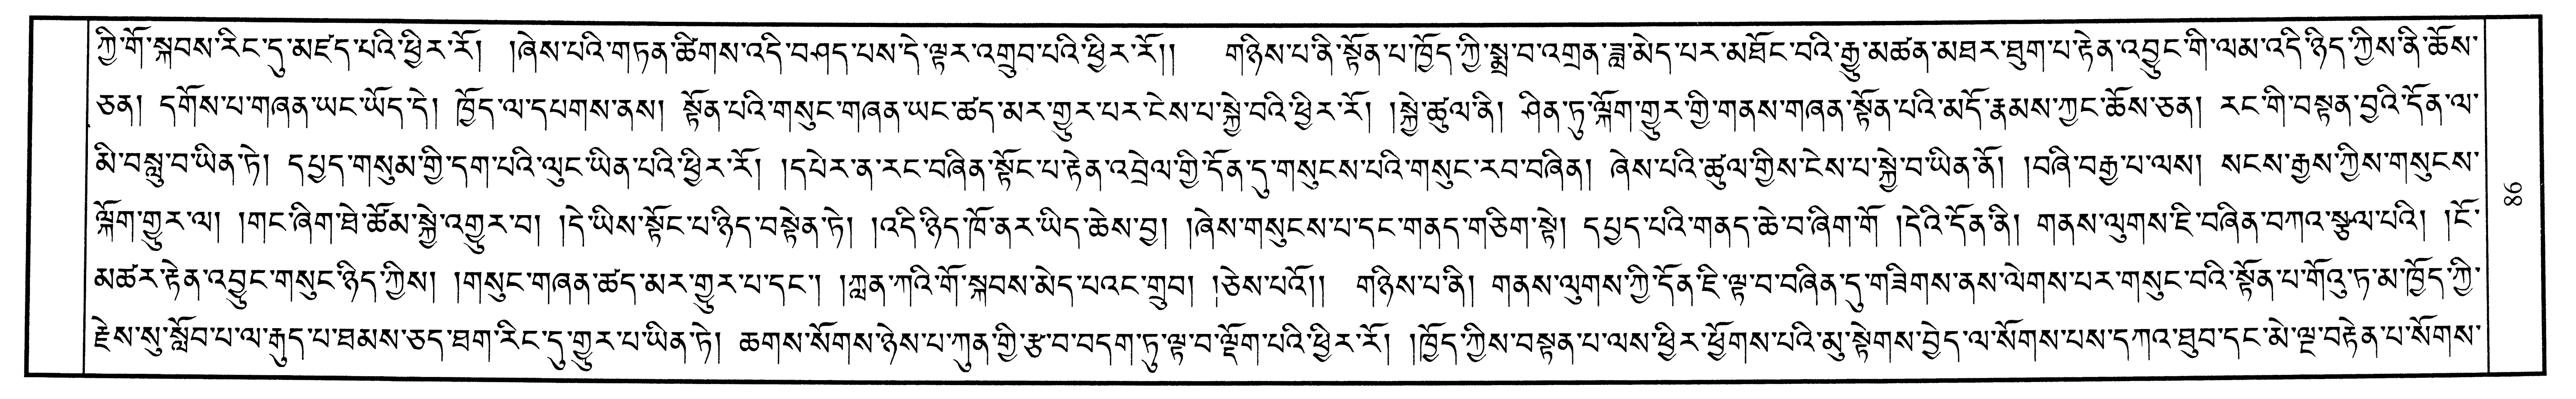ཀྱི་གོ་སྐབས་རིང་དུ་མཛད་པའི་ཕྱིར་རོ། །ཞེས་པའི་གཏན་ཚིགས་འདི་བཤད་པས་དེ་ལྟར་འགྲུབ་པའི་ཕྱིར་རོ།། གཉིས་པ་ནི་སྟོན་པ་ཁྱོད་ཀྱི་སྨྲ་བ་འགྲན་ཟླ་མེད་པར་མཐོང་བའི་རྒྱུ་མཚན་མཐར་ཐུག་པ་རྟེན་འབྱུང་གི་ལམ་འདི་ཉིད་ཀྱིས་ནི་ཆོས་
ཅན། དགོས་པ་གཞན་ཡང་ཡོད་དེ། ཁྱོད་ལ་དཔགས་ནས། སྟོན་པའི་གསུང་གཞན་ཡང་ཚད་མར་གྱུར་པར་ངེས་པ་སྐྱེ་བའི་ཕྱིར་རོ། །སྐྱེ་ཚུལ་ནི། ཤིན་ཏུ་ལྐོག་གྱུར་གྱི་གནས་གཞན་སྟོན་པའི་མདོ་རྣམས་ཀྱང་ཆོས་ཅན། རང་གི་བསྟན་བྱའི་དོན་ལ་
མི་བསླུ་བ་ཡིན་ཏེ། དཔྱད་གསུམ་གྱི་དག་པའི་ལུང་ཡིན་པའི་ཕྱིར་རོ། །དཔེར་ན་རང་བཞིན་སྟོང་པ་རྟེན་འབྲེལ་གྱི་དོན་དུ་གསུངས་པའི་གསུང་རབ་བཞིན། ཞེས་པའི་ཚུལ་གྱིས་ངེས་པ་སྐྱེ་བ་ཡིན་ནོ། །བཞི་བརྒྱ་པ་ལས། སངས་རྒྱས་ཀྱིས་གསུངས་
ལྐོག་གྱུར་ལ། །གང་ཞིག་ཐེ་ཚོམ་སྐྱེ་འགྱུར་བ། །དེ་ཡིས་སྟོང་པ་ཉིད་བསྟེན་ཏེ། །འདི་ཉིད་ཁོ་ནར་ཡིད་ཆེས་བྱ། །ཞེས་གསུངས་པ་དང་གནད་གཅིག་སྟེ། དཔྱད་པའི་གནད་ཆེ་བ་ཞིག་གོ །དེའི་དོན་ནི། གནས་ལུགས་ཇི་བཞིན་བཀའ་སྩལ་པའི། །ངོ་
མཚར་རྟེན་འབྱུང་གསུང་ཉིད་ཀྱིས། །གསུང་གཞན་ཚད་མར་གྱུར་པ་དང་། །ཀླན་ཀའི་གོ་སྐབས་མེད་པའང་གྲུབ། །ཅེས་པའོ།། གཉིས་པ་ནི། གནས་ལུགས་ཀྱི་དོན་ཇི་ལྟ་བ་བཞིན་དུ་གཟིགས་ནས་ལེགས་པར་གསུང་བའི་སྟོན་པ་གོའུ་ཏ་མ་ཁྱོད་ཀྱི་
རྗེས་སུ་སློབ་པ་ལ་རྒུད་པ་ཐམས་ཅད་རིང་དུ་གྱུར་པ་ཡིན་ཏེ། ཆགས་སོགས་ཉེས་པ་ཀུན་གྱི་རྩ་བ་བདག་ཏུ་ལྟ་བ་ལྡོག་པའི་ཕྱིར་རོ། །ཁྱོད་ཀྱིས་བསྟན་པ་ལས་ཕྱིར་ཕྱོགས་པའི་མུ་སྟེགས་བྱེད་ལ་སོགས་པས་དཀའ་ཐུབ་དང་མེ་ལྔ་བརྟེན་པ་སོགས་